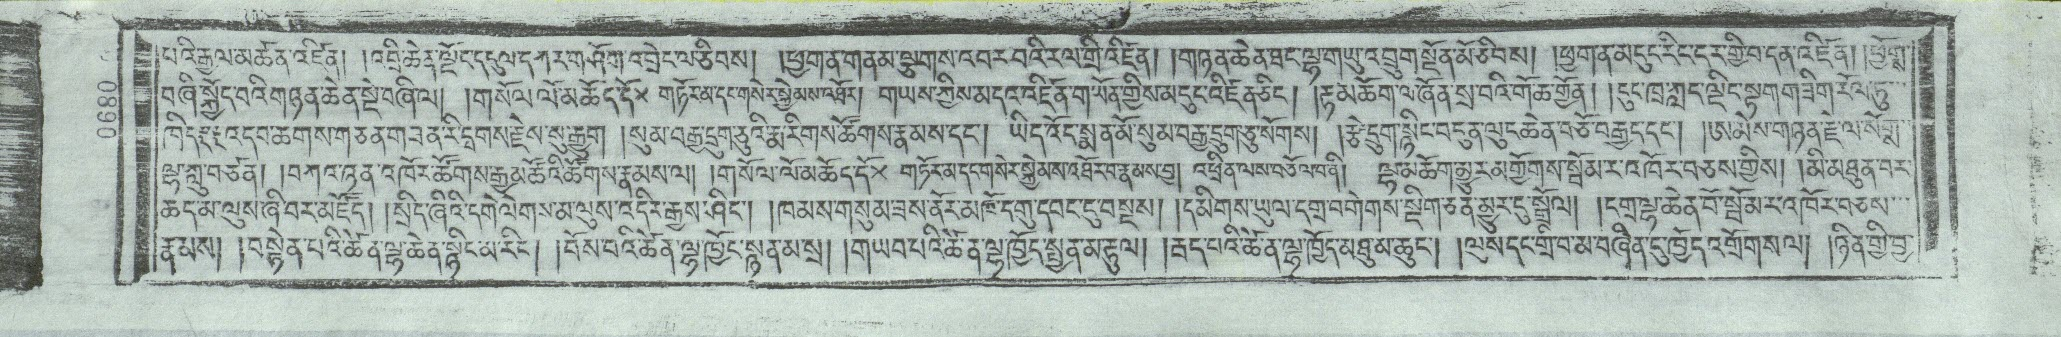པའི་རྒྱལ་མཚན་འཛིན། །འབྲི་ཆེན་ལྡོང་དངུལ་དཀར་གཤོག་འགྲེང་ལ་ཅིབས། །ཕྱག་ན་གནམ་ལྕགས་འབར་བའི་རལ་གྲི་འཛིན། །གཉན་ཆེན་ཐང་ལྷ་གཡུ་འབྲུག་སྔོན་མོ་ཅིབས། །ཕྱག་ན་མདུང་རིང་དར་གྱི་བ་དན་འཛིན། །ཕྱོགས་
བཞི་སྐྱོང་བའི་གཉན་ཆེན་སྡེ་བཞི་ལ། །གསོལ་ལོ་མཆོད་དོ་གཏོར་མ་དང་གསེར་སྐྱེམས་འཐོར། གཡས་ཀྱིས་མདའ་འཛིན་གཡོན་གྱིས་མདུང་འཛིན་ཅིང་། །རྟ་མཆོག་ལ་ཞོན་སྲ་བའི་གོ་ཆ་གྱོན། །དུང་ཁྲ་ཀླང་ལྡིང་སྟག་གཟིག་རོལ་ཏུ་
ཁྲིད༑ ༑འདབ་ཆགས་གཅན་གཟན་རི་དྭགས་རྗེས་སུ་རྒྱུག །སུམ་བརྒྱ་དྲུག་ཅུའི་རྨ་རིགས་ཚོགས་རྣམས་དང་། ཡིད་འོད་སྨན་མོ་སུམ་བརྒྱ་དྲུག་ཅུ་སོགས། །རྩེ་དྲུག་སྙིང་བདུན་ལུང་ཆེན་བཅོ་བརྒྱད་དང་། །ཨ་མེས་གཉན་རྗེ་ལ་སོགས་
ལྷ་ཀླུ་བཙན། །བཀའ་ཉན་འཁོར་ཚོགས་རྒྱ་མཚོའི་ཚོགས་རྣམས་ལ། །གསོལ་ལོ་མཆོད་དོ་གཏོར་མ་དང་གསེར་སྐྱེམས་འཐོར་བ་རྣམས་བྱ། འཕྲིན་ལས་བཅོལ་བ་ནི། ལྷ་མཆོག་མྱུར་མགྱོགས་སྦོམ་ར་འཁོར་བཅས་གྱིས། །མི་མཐུན་བར་
ཆད་མ་ལུས་ཞི་བར་མཛོད། །སྲིད་ཞིའི་དགེ་ལེགས་མ་ལུས་འདིར་རྒྱས་ཤིང་། །ཁམས་གསུམ་ཟས་ནོར་མཁོ་དགུ་དབང་དུ་བསྔས། །དམིགས་ཡུལ་དགྲ་བགེགས་སྡིག་ཅན་མྱུར་དུ་སྒྲོལ། །དགྲ་ལྷ་ཆེན་བོ་སྦོམ་མར་འཁོར་བཅས་
རྣམས། །བསྟེན་པའི་ཚེན་ལྷ་ཆེན་སྙིང་མ་རིང་། །བོས་བའི་ཚེན་ལྷ་ཁྱོད་སྙན་མ་སྲ། །གཡབ་པའི་ཚེ་ན་ལྷ་ཁྱོད་སྤྱན་མ་རྟུལ། །རྦད་པའི་ཚེན་ལྷ་ཁྱོད་མཐུ་མ་ཆུང་། །ལུས་དང་གྲིབ་མ་བཞིན་དུ་ཁྱོད་འགྲོགས་ལ། །ཉིན་གྱི་བྱ་